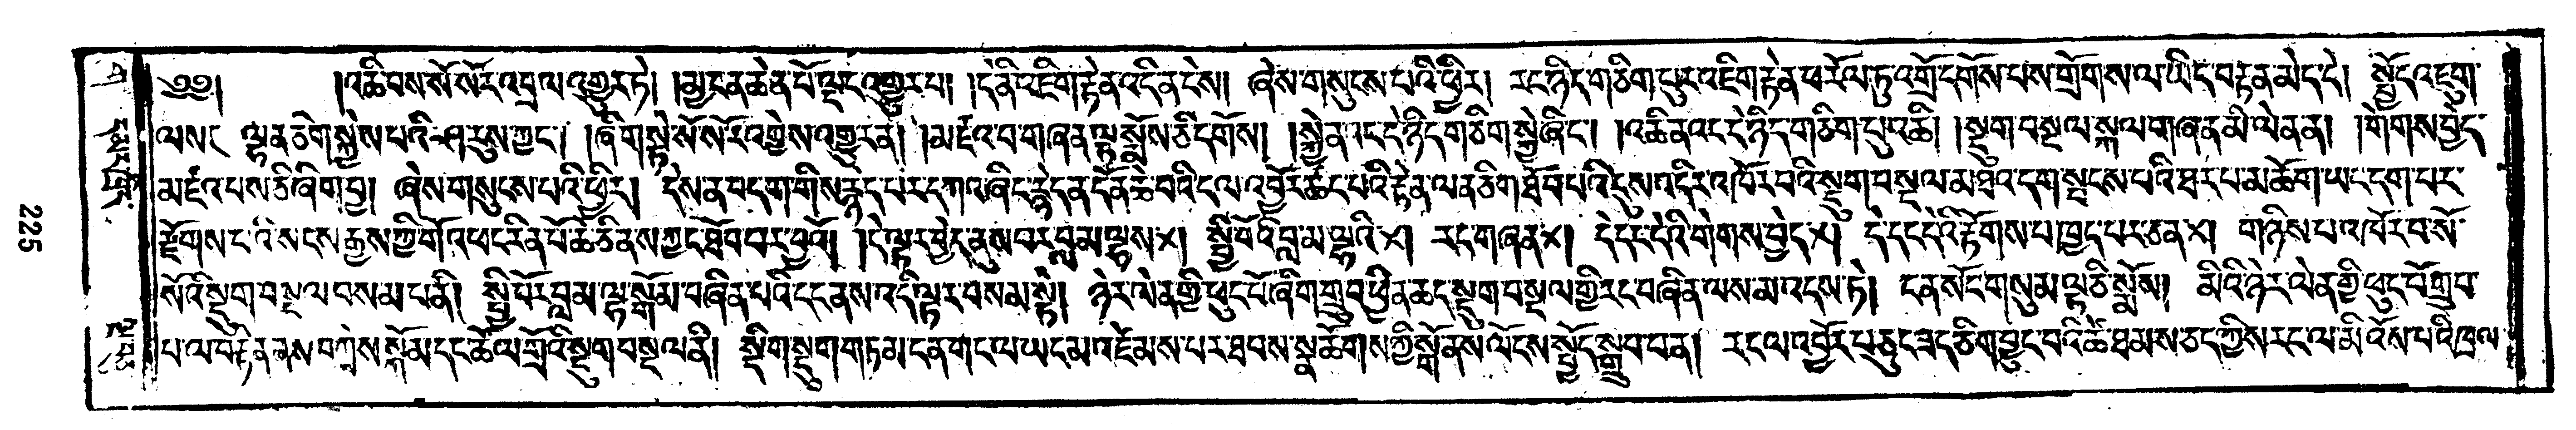༄༅། །འཆི་བས་སོ་སོར་འབྲལ་འགྱུར་ཏེ། །མྱ་ངན་ཆེན་པོ་ལྡང་འགྱུར་པ། །དེ་ནི་འཇིག་རྟེན་འདི་ན་ངེས། ཞེས་གསུངས་པའི་ཕྱིར། རང་ཉིད་གཅིག་པུར་འཇིག་རྟེན་ཕ་རོལ་ཏུ་འགྲོ་དགོས་པས་གྲོགས་ལ་ཡིད་བརྟན་མེད་དེ། སྤྱོད་འཇུག་
ལས༑ ལྷན་ཅིག་སྐྱེས་པའི་ཤ་རུས་ཀྱང་། །ཞིག་སྟེ་སོ་སོར་འགྱེས་འགྱུར་ན། །མཛའ་བ་གཞན་ལྟ་སྨོས་ཅི་དགོས། །སྐྱེ་ནའང་དེ་ཉིད་གཅིག་སྐྱེ་ཞིང་། །འཆི་ནའང་དེ་ཉིད་གཅིག་པུ་འཆི། །སྡུག་བསྔལ་སྐལ་གཞན་མི་ལེན་ན། །གེགས་བྱེད་
མཛའ་པས་ཅི་ཞིག་བྱ། ཞེས་གསུངས་པའི་ཕྱིར། དེས་ན་བདག་གིས་རྙེད་པར་དཀའ་ཞིང་རྙེད་ན་དོན་ཆེ་བའི་དལ་འབྱོར་ཚང་པའི་རྟེན་ལན་ཅིག་ཐོབ་པའི་དུས་འདིར་འཁོར་བའི་སྡུག་བསྔལ་མཐའ་དག་སྤངས་པའི་ཐར་པ་མཆོག་ཡང་དག་པར་
རྫོགས་པའི་སངས་རྒྱས་ཀྱི་གོ་འཕང་རིན་པོ་ཆེ་ཅི་ནས་ཀྱང་ཐོབ་བར་བྱའོ། །དེ་ལྟར་བྱེད་ནུས་བར་བླ་མ་ལྷས་྾། སྦྱི་བོའི་བླ་མ་ལྷའི་྾། རང་གཞན་྾། དེ་དང་དེའི་གེགས་བྱེད་྾། དེ་དང་དེའི་རྟོགས་པ་ཁྱད་པར་ཅན་྾། གཉིས་པ་འཁོར་བ་སོ་
སོའི་སྡུག་བསྔལ་བསམ་པ་ནི། སྤྱི་པོར་བླ་མ་ལྷ་སྒོམ་བཞིན་པའི་དང་ནས་འདི་ལྟར་བསམ་སྟེ། ཉེར་ལེན་གྱི་ཕུང་པོ་ཞིག་གྲུབ་ཕྱིན་ཆད་སྡུག་བསྔལ་གྱི་རང་བཞིན་ལས་མ་འདས་ཏེ། ངན་སོང་གསུམ་ལྟ་ཅི་སྨོས། མིའི་ཉེར་ལེན་གྱི་ཕུང་པོ་གྲུབ་
པ་ལ་བརྟེན་ནས་བཀྲེས་སྐོམ་དང་ཆོལ་གྲོའི་སྡུག་བསྔལ་ནི། སྡིག་སྡུག་གཏམ་ངན་གང་ལ་ཡང་མ་འཛེམས་པར་ཐབས་སྣ་ཚོགས་ཀྱི་སྒོ་ནས་ལོངས་སྤྱོད་སྒྲུབ་པ་ན། རང་ལ་འབྱོར་པ་ཅུང་ཟད་ཅིག་བྱུང་བའི་ཚེ་ཐམས་ཅད་ཀྱིས་རང་ལ་མི་འོས་པའི་ཁྲལ་